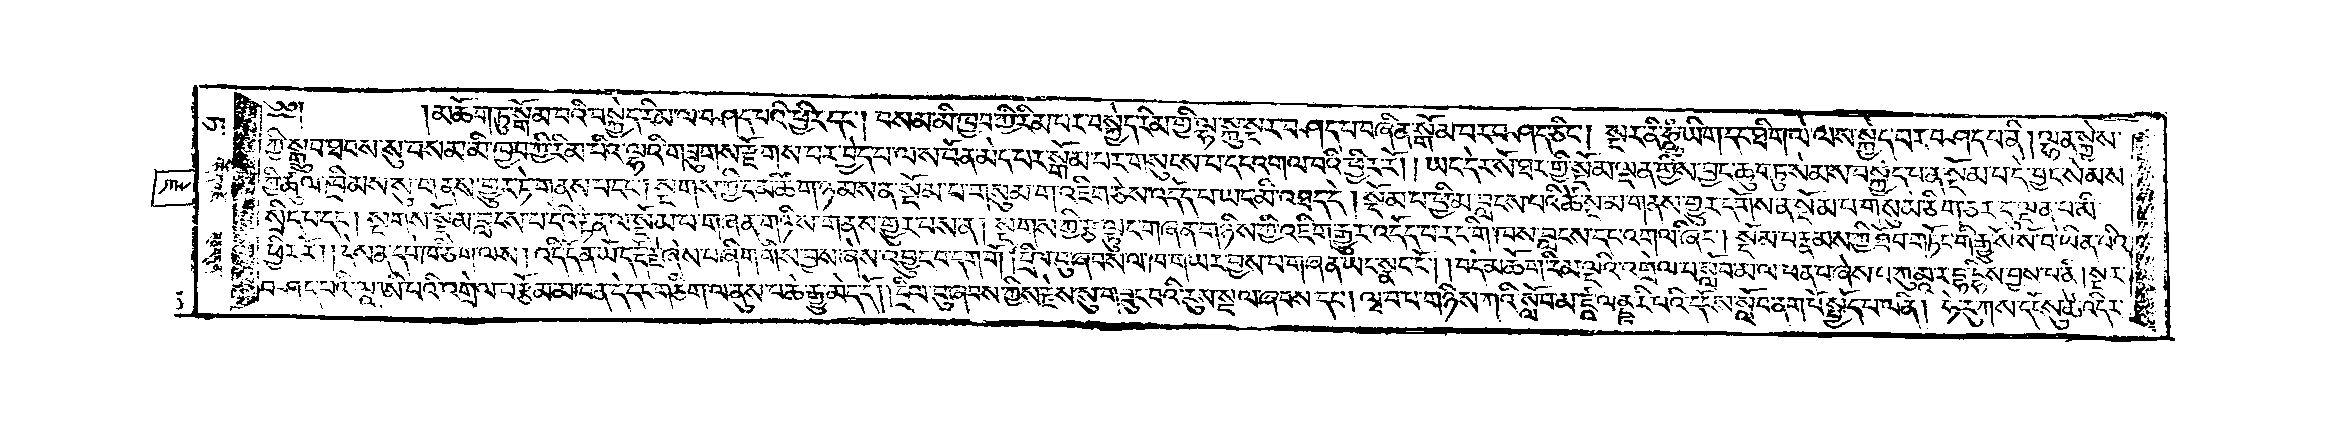༄༅། །མཆོག་ཏུ་སྒོམ་པའི་བསྐྱེད་རིམ་ལ་བཤད་པའི་ཕྱིར་དང་། བསམ་མི་ཁྱབ་ཀྱི་རིམ་པར་བསྐྱེད་རིམ་གྱི་ལྷ་སྐུ་སྔར་བཤད་པ་བཞིན་སྒོམ་པར་བཤད་ཅིང་། སྔར་ནི་ཧཱུཾ་ཡིག་དང་ཐིག་ལེ་ལས་སྐྱེད་པར་བཤད་པ་ནི། ལྷན་སྐྱེས་
ཀྱི་སྒྲུབ་ཐབས་སུ་བསམ་མི་ཁྱབ་ཀྱི་རིམ་པའི་ལྷའི་གཟུགས་རྫོགས་པར་བྱེད་པ་ལ་ས་བོན་མེད་པར་སྒོམ་པར་གསུངས་པ་དང་འགལ་བའི་ཕྱིར་རོ། །ཡང་དེར་སོ་ཐར་གྱི་སྡོམ་ལྡན་གྱིས་བྱང་ཆུབ་ཏུ་སེམས་བསྐྱེད་པ་ན་སྡོམ་པ་དེ་བྱང་སེམས་
ཀྱི་ཚུལ་ཁྲིམས་སུ་གནས་གྱུར་ཏེ་གནས་པ་དང་། སྔགས་ཀྱི་དམ་ཚིག་ཉམས་ན་སྡོམ་པ་གསུམ་ག་འཇིག་ཅེས་འདོད་པ་ཡང་མི་འཐད་དེ། སྡོམ་པ་ཕྱི་མ་བླངས་པའི་ཚེ་སྔ་མ་གནས་གྱུར་དགོས་ན་སྡོམ་པ་གསུམ་ཅིག་ཅར་དུ་ལྡན་པ་མི་
སྲིད་པ་དང་། སྔགས་སྡོམ་བླངས་པ་དེའི་རྟེན་ལ་སྡོམ་པ་གཞན་གཉིས་གནས་གྱུར་པས་ན། སྔགས་ཀྱི་རྩ་ལྟུང་གཞན་གཉིས་ཀྱི་འཇིག་རྒྱུར་འདོད་པ་རང་གི་ཁས་བླངས་དང་འགལ་ཞིང་། སྡོམ་པ་རྣམས་ཀྱི་ཐོབ་གཏོང་གི་རྒྱུ་སོ་སོ་བ་ཡིན་པའི་
ཕྱིར་རོ། །དེས་ན་དཔེ་ཁ་ཅིག་ལས། འདི་དོན་ཡོད་རྡོ་རྗེ་ཞས་པ་ཞིག་གིས་བྱས་ཞེས་འབྱུང་བ་དག་གོ །དྲིལ་བུ་ཞབས་ལ་ཁ་གཡར་བྱས་པ་གཞན་ཡང་སྣང་ངོ། །བདེ་མཆོག་རིམ་ལྔའི་འགྲེལ་པ་སློབ་མ་ལ་ཕན་པ་ཞེས་པ་ཀུ་མཱ་ར་བྷ་དྷིས་བྱས་པ་ནི། སྔར་
བཤད་པའི་ལཱུ་ཨི་པའི་འགྲེལ་པ་རྩོམ་མཁན་དེ་དང་གཅིག་ལ་ནུས་པ་ཆེ་རྒྱུ་མེད་དོ། །དྲིལ་བུ་ཞབས་ཀྱིས་རྗེས་སུ་གཟུང་བའི་རུས་སྔལ་ཞབས་དང་། ལྭ་བ་པ་གཉིས་ཀའི་སློབ་མ་ཛཱ་ལནྡྷ་རི་པའི་དངོས་སློབ་ནག་པོ་སྤྱོད་པ་ལ་ནི། ཧེ་རུ་ཀས་དངོས་སུ་ཚེ་འདིར་